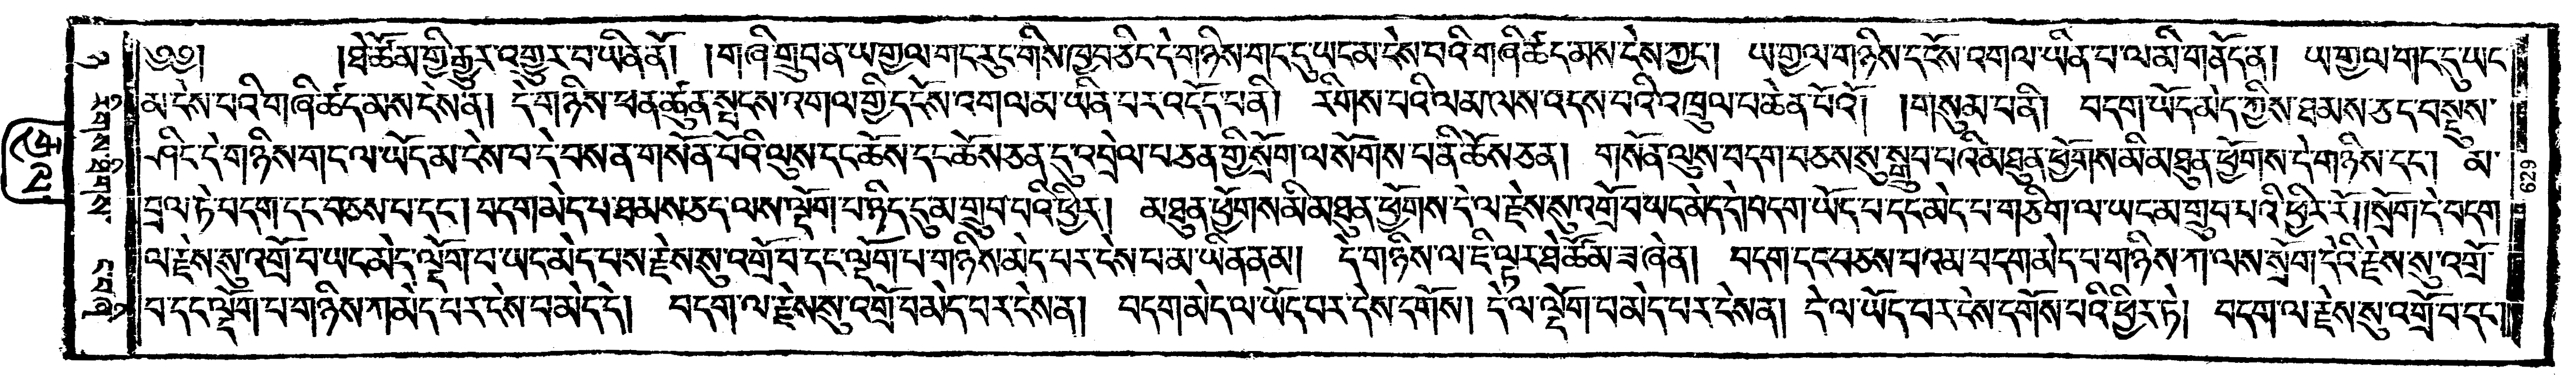༄༅། །ཐེ་ཚོམ་གྱི་རྒྱུར་འགྱུར་བ་ཡིན་ནོ། །གཞི་གྲུབ་ན་ཡ་གྱལ་གང་རུང་གིས་ཁྱབ་ཅིང་དེ་གཉིས་གང་དུ་ཡང་མ་ངེས་པའི་གཞི་ཚད་མས་ངེས་ཀྱང་། ཡ་གྱལ་གཉིས་དངོས་འགལ་ཡིན་པ་ལ་མི་གནོད་ན། ཡ་གྱལ་གང་དུ་ཡང་
མ་ངེས་པའི་གཞི་ཚད་མས་ངེས་ནི། དེ་གཉིས་ཕན་ཚུན་སྤངས་འགལ་གྱི་དངོས་འགལ་མ་ཡིན་པར་འདོད་པ་ནི། རིགས་པའི་ལམ་ལས་འདས་པའི་འཁྲུལ་པ་ཆེན་པོའོ། །གསུམ་པ་ནི། བདག་ཡོད་མེད་ཀྱིས་ཐམས་ཅད་བསྡུས་
ཤིང་དེ་གཉིས་གང་ལ་ཡོད་མ་ངེས་པ་དེ་བས་ན་གསོན་པོའི་ལུས་དང་ཆོས་དང་ཆོས་ཅན་དུ་འབྲེལ་པ་ཅན་གྱི་སྲོག་ལ་སོགས་པ་ནི་ཆོས་ཅན། གསོན་ལུས་བདག་བཅས་སུ་སྒྲུབ་པའི་མཐུན་ཕྱོགས་མི་མཐུན་ཕྱོགས་དེ་གཉིས་དང་། མ་
བྲལ་ཏེ་བདག་དང་བཅས་པ་དང་། བདག་མེད་པ་ཐམས་ཅད་ལས་ལྡོག་པ་ཉིད་དུ་མ་གྲུབ་པའི་ཕྱིར། མཐུན་ཕྱོགས་མི་མཐུན་ཕྱོགས་དེ་ལ་རྗེས་སུ་འགྲོ་བ་ཡང་མེད་དེ། བདག་ཡོད་པ་དང་མེད་པ་གཅིག་ལ་ཡང་མ་གྲུབ་པའི་ཕྱིར་རོ། །སྲོག་དེ་བདག་
ལ་རྗེས་སུ་འགྲོ་བ་ཡང་མེད་ལྡོག་པ་ཡང་མེད་པས་རྗེས་སུ་འགྲོ་བ་དང་ལྡོག་པ་གཉིས་མེད་པར་ངེས་པ་མ་ཡིན་ནམ། དེ་གཉིས་ལ་ཇི་ལྟར་ཐེ་ཚོམ་ཟ་ཞེ་ན། བདག་དང་བཅས་པའམ་བདག་མེད་པ་གཉིས་ཀ་ལས་སྲོག་དེའི་རྗེས་སུ་འགྲོ་
བ་དང་ལྡོག་པ་གཉིས་ཀ་མེད་པར་ངེས་པ་མེད་དེ། བདག་ལ་རྗེས་སུ་འགྲོ་བ་མེད་པར་ངེས་ན། བདག་མེད་ལ་ཡོད་པར་ངེས་དགོས། དེ་ལ་ལྡོག་པ་མེད་པར་ངེས་ན། དེ་ལ་ཡོད་པར་ངེས་དགོས་པའི་ཕྱིར་ཏེ། བདག་ལ་རྗེས་སུ་འགྲོ་བ་དང་